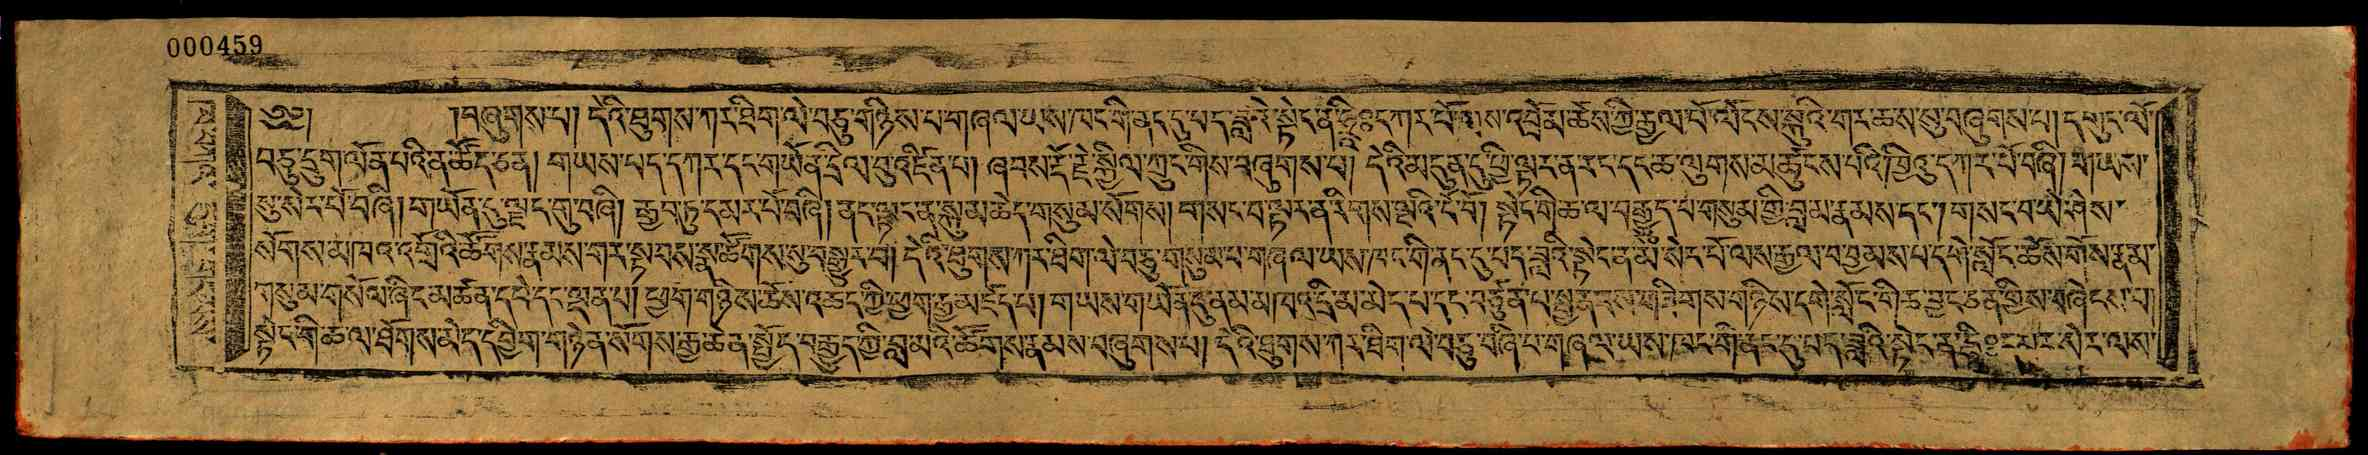༄༅། །བཞུགས་པ། དེའི་ཐུགས་ཀར་ཐིག་ལ་བཅུ་གཉིས་པ་གཞལ་ཡས་ཁང་གི་ནང་དུ་བད་ཟླའི་སྟེང་ན་ཧྲཱིཿ དཀར་པོ་ལས་འབྲོམ་ཆོས་ཀྱི་རྒྱལ་པོ་ལོངས་སྐུའི་གར་ཆས་སུ་བཞུགས་པ། དགུང་ལོ་
བཅུ་དྲུག་ལོན་པའི་ན་ཚོད་ཅན། གཡས་པད་དཀར་དང་གཡོན་དྲིལ་བུ་འཛིན་པ། ཞབས་རྡོ་རྗེ་སྐྱིལ་ཀྲུང་གིས་བཞུགས་པ། དེའི་མདུན་དུ་ཕྱི་ལྟར་ན་རང་དང་ཆ་ལུགས་མཚུངས་པའི་ཁྱིའུ་དཀར་པོ་བཞི། གཡས་
སུ་སེར་པོ་བཞི། གཡོན་དུ་ལྗང་གུ་བཞི། རྒྱབ་ཏུ་དམར་པོ་བཞི། ནང་ལྟར་ན་སྐུ་མཆེད་གསུས་སོགས། གསང་བ་ལྟར་ན་རིགས་ལྔའི་དང་། སྟེང་གི་ཆ་ལ་བརྒྱུད་པ་གསུམ་གྱི་བླ་མ་རྣམས་དང་། གསང་བ་ཡེ་ཤེས་
སོགས་མཁའ་འགྲོའི་ཚོགས་རྣམས་གར་སྟབས་སྣ་ཚོགས་སུ་བསྒྱུར་བ། དེའི་ཐུགས་ཀར་ཐིག་ལེ་བཅུ་གསུམ་པ་གཞལ་ཡས་ཁང་གི་ནང་དུ་པད་ཟླའི་སྟེང་ན་མེ་སེར་པོ་ལས་རྒྱལ་བ་བྱམས་པ་དགེ་སློང་ཆོས་གོས་རྣམ་
གསུམ་གསལ་ཞིང་མཚན་དཔེ་དང་ལྡན་པ། ཕྱག་གཉིས་ཆོས་འཆད་ཀྱི་ཕྱག་རྒྱ་མཛད་པ། གཡས་གཡོན་དུ་ནམ་མཁའ་དྲི་མ་མེད་པ་དང་བཙུན་པ་སྤྱན་རས་གཟིགས་གཉིས་དགེ་སློང་གི་ཆ་བྱང་ཅན་གྱིས་བཞེངས་པ།
སྟེང་གི་ཆ་ལ་ཐོགས་མེ་དང་བྱིག་གཉེན་སོགས་རྒྱ་ཆེན་སྤྱོད་བརྒྱུད་ཀྱི་བླ་མའི་ཚོགས་རྣམས་བཞུགས་པ། དེའི་ཐུགས་ཀར་ཐིག་ལེ་བཅུ་བཞི་པ་གཞལ་ཡས་ཁང་གི་ནང་དུ་པད་ཟླའི་སྟེང་ན་དྷཱིཿ དམར་སེར་ལས་